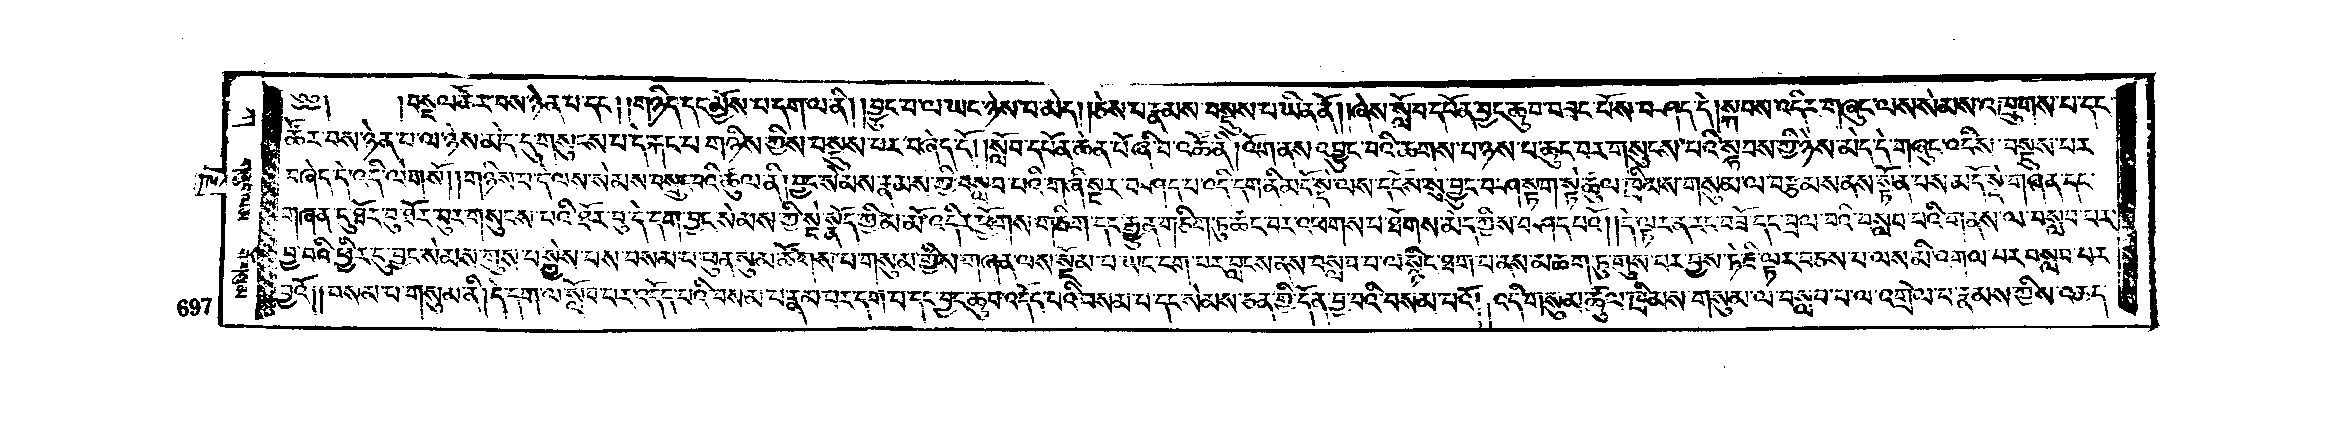༄༅། །བསྔལ་ཚོར་བས་ཉེན་པ་དང་། །གཉིད་དང་མྱོས་པ་དག་ལ་ནི། །བྱུང་བ་ལ་ཡང་ཉེས་པ་མེད། །ཅེས་པ་རྣམས་བསྡུས་པ་ཡིན་ནོ། །ཞེས་སློབ་དཔོན་བྱང་ཆུབ་བཟང་པོས་བཤད་དེ། སྐབས་འདིར་གཞུང་ལས་སེམས་འཁྲུགས་པ་དང་
ཚོར་བས་ཉེན་པ་ལ་ཉེས་མེད་དུ་གསུངས་པ་དེ་རྐང་པ་གཉིས་ཀྱིས་བསྡུས་པར་བཞེད་དོ། །སློབ་དཔོན་ཆེན་པོ་ཞི་བ་འཚོ་ནི། འོག་ནས་འབྱུང་བའི་ཆགས་པ་ཉས་པ་ཆུང་བར་གསུངས་པའི་སྟབས་ཀྱི་ཉེས་མེད་དེ་གཞུང་འདིས་བསྡུས་པར་
བཞེད་དེ་འདི་ལེགས་སོ། །གཉིས་པ་དེ་ལས་སེམས་བསྲུང་བའི་ཚུལ་ནི། བྱང་སེམས་རྣམས་ཀྱི་བསླབ་པའི་གཞི་སྔར་བཤད་པ་འདི་དག་ནི་མདོ་སྡེ་ལས་དངོས་སུ་བྱུང་བ་ཤ་སྟག་སྟེ་ཚུལ་ཁྲིམས་གསུམ་ལ་བརྩམས་ནས་སྟོན་པས་མདོ་སྡེ་གཞན་དང་
གཞན་དུ་ཐོར་བུ་ཐོར་བུར་གསུངས་པའི་ཐོར་བུ་དེ་དག་བྱང་སེམས་ཀྱི་སྡེ་སྣོད་ཀྱི་མ་མོ་འདིར་ཕྱོགས་གཅིག་དང་རྒྱུན་གཅིག་ཏུ་ཚང་བར་འཕགས་པ་ཐོགས་མེད་ཀྱིས་བཤད་པའོ། །དེ་ལྟར་ན་རང་བཟོ་དང་བྲལ་བའི་བསླབ་པའི་གནས་ལ་བསླབ་པར་
བྱ་བའི་ཕྱིར་དུ་བྱང་སེམས་གུས་པ་སྐྱེས་པས་བསམ་པ་ཕུན་སུམ་ཚོགས་པ་གསུམ་གྱིས་གཞན་ལས་སྡོམ་པ་ཡང་དག་པར་བླངས་ནས་བསླབ་པ་ལ་སྙིང་ཐག་པ་ནས་མཆག་ཏུ་གུས་པར་བྱས་ཏེ་ཇི་ལྟར་བཅས་པ་ལས་མི་འགལ་པར་བསླབ་པར་
བྱའོ། །བསམ་པ་གསུམ་ནི། དེ་དག་ལ་སློབ་པར་འདོད་པའི་བསམ་པ་རྣམ་པར་དག་པ་དང་བྱང་ཆུབ་འདོད་པའི་བསམ་པ་དང་སེམས་ཅན་གྱི་དོན་བྱ་བའི་བསམ་པའོ། །འདི་གསུམ་ཚུལ་ཁྲིམས་གསུམ་ལ་བསླབ་པ་ལ་འགྲེལ་པ་རྣམས་ཀྱིས་འཆད་